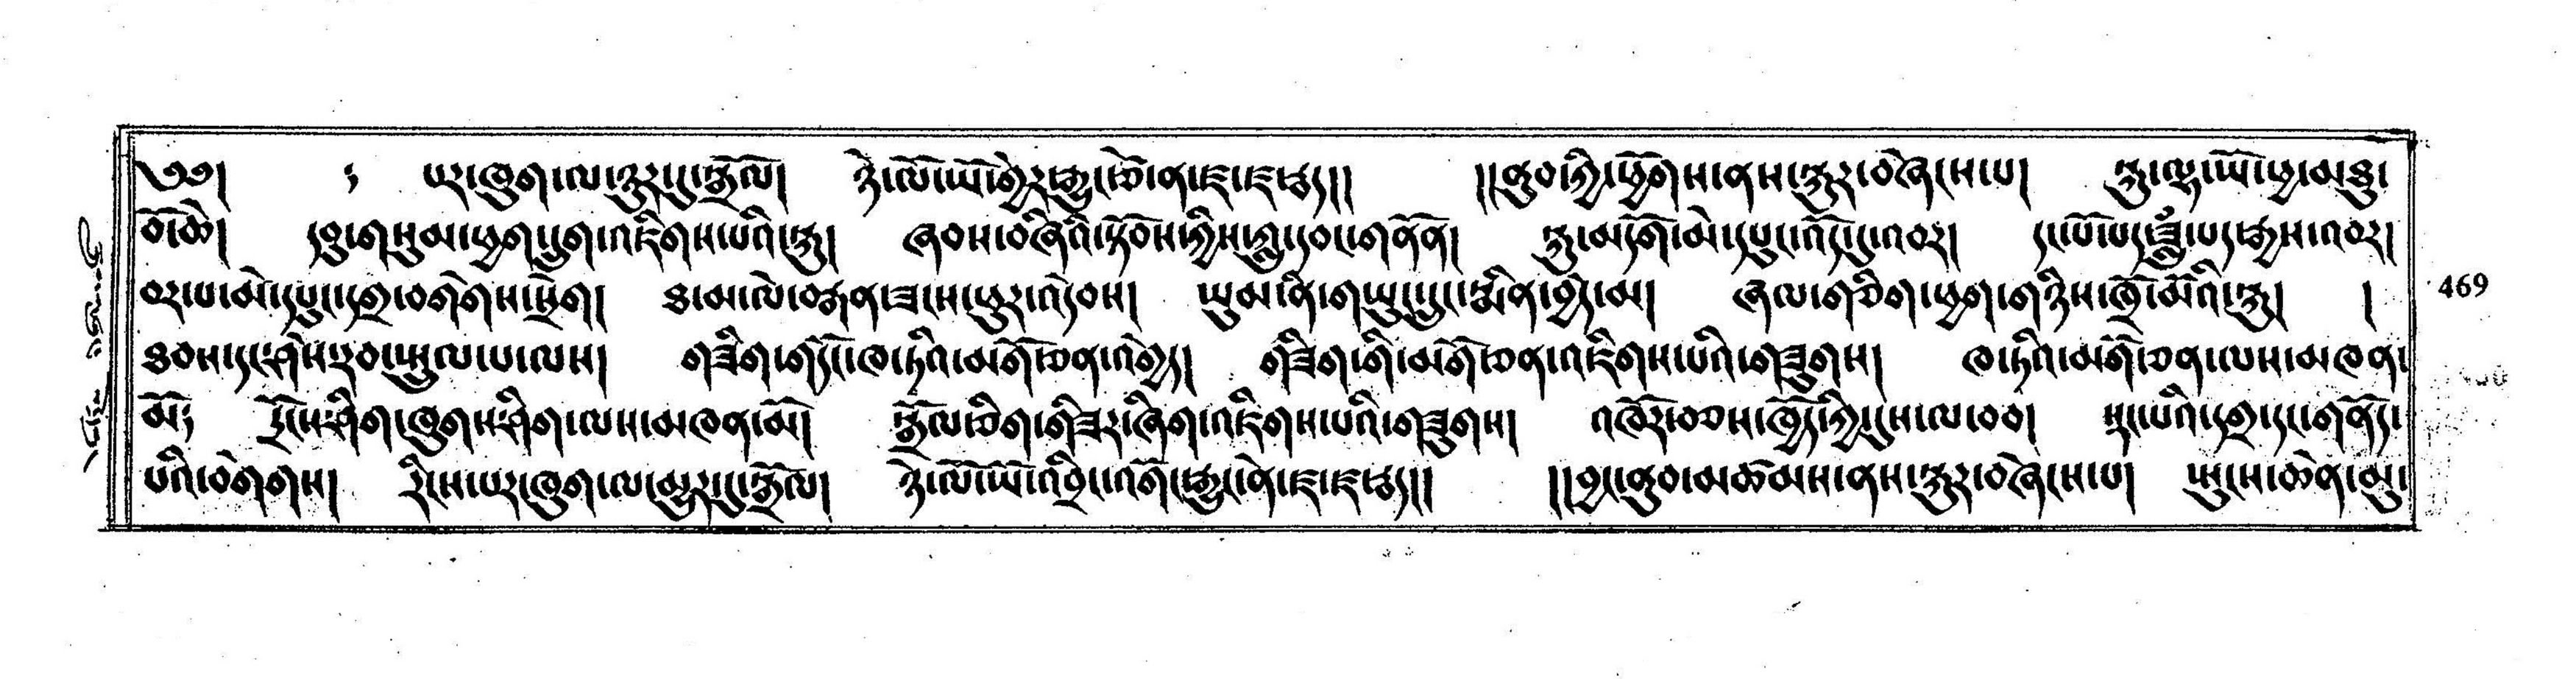པར་ཁུག་ལ་ཉུར་དུ་སྒྲོལ། ཉེ་ལོ་ཡོ་གྱེར་རྒྱུང་ཙེ་ན་ཛ་ཛ་རྦད།། །།ནུབ་ཀྱི་ཕྱོགས་ནས་སྐུར་བཞེངས་པ། སྐུ་ལྷ་ཡོ་ཕྱ་མཐུ་
བོ་ཆེ། དབུ་གསུམ་ཕྱག་དྲུག་འཇིགས་པའི་སྐུ། ཞབས་བཞིའི་སྟོབས་ཀྱིས་ཀླུ་དབང་གནོན། སྐུ་མདོག་མེ་དཔུང་འོད་དུ་འབར། དང་པོ་པད་ཟླུམ་པད་རྒྱས་འབར། 
བར་པ་མེ་དཔུང་དགྲ་བགེགས་སྲེག ཐ་མ་ལེ་བརྒན་ཟངས་ཕུར་འདེབས། ཡུམ་ནི་གཡུང་དྲུང་སྨིན་བྱེད་མ། {481}ཞལ་གཅིག་ཕྱག་གཉིས་ཁྲོ་མོའི་སྐུ། 
ཐབས་དང་ཤེས་རབ་སྤྲུལ་པ་ལས། གཟིག་གདོང་ཁ་ཏྭའི་མགོ་ཅན་འགྱེད། གཟིག་གི་མགོ་ཅན་འཇིགས་པའི་གཟུགས། ཁ་ཏྭའི་མགོ་ཅན་ལས་མཁན་
མོ། དྲོངས་ཤིག་ཁུགས་ཤིག་ལས་མཁན་མོ། སྒྲོལ་ཅིག་གཟིར་ཞིག་འཇིགས་པའི་གཟུགས། འཁོར་བཅས་ཁྱོད་ཀྱི་དུས་ལ་བབ། སྡང་པའི་དགྲ་དང་གནོད་
པའི་བགེགས། རིངས་པར་ཁུག་ལ་མྱུར་དུ་སྒྲོལ། ཉེ་ལོ་ཡོ་འབྲིང་འགོང་རྒྱུང་ནེ་ཛ་ཛ་རྦད།། །།བྱང་ནུབ་མཚམས་ནས་སྐུར་བཞེངས་པ། སྤུངས་ཆེན་མུ་